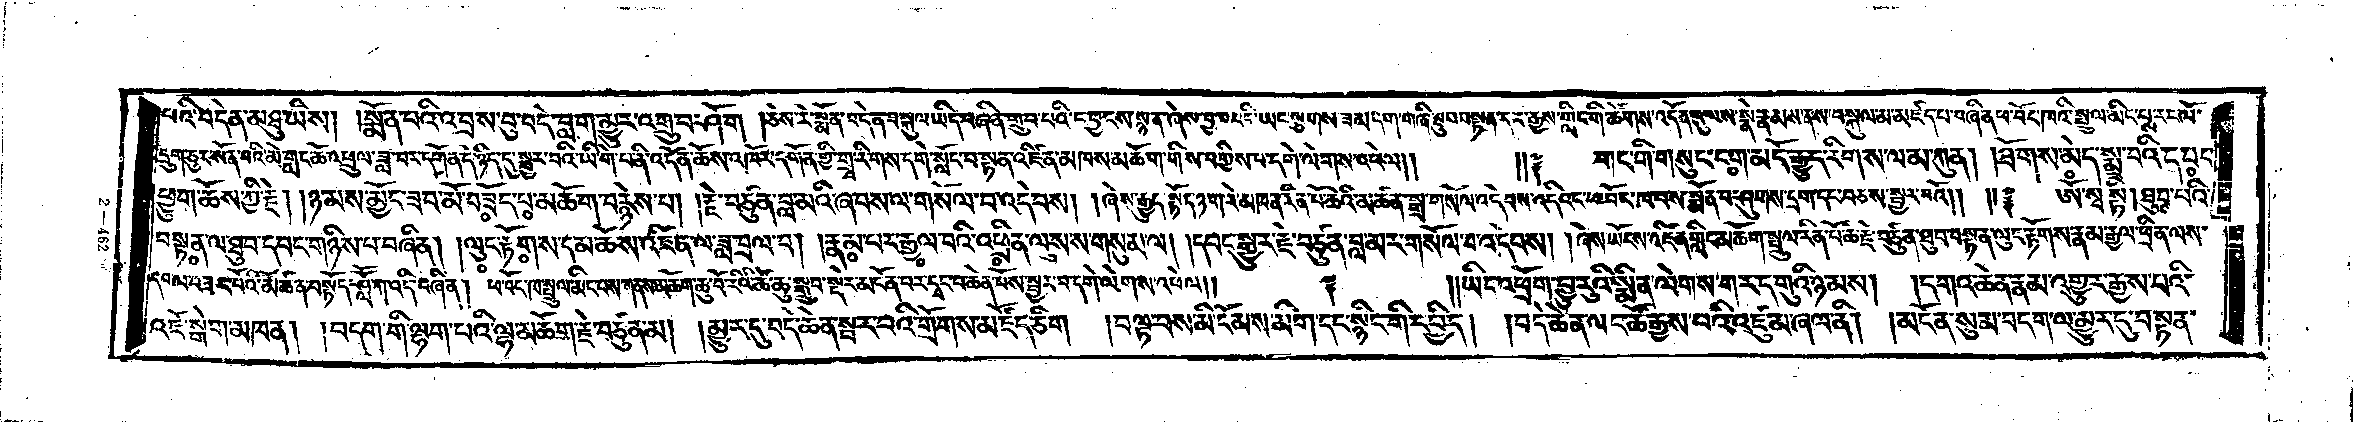པའི་བདེན་མཐུ་ཡིས། །སྨོན་པའི་འབྲས་བུ་བདེ་བླག་མྱུར་འགྲུབ་ཤོག །ཅེས་རེ་སྨོན་བདེན་བསྐུལ་ཡིད་བཞིན་གྲུབ་པའི་དབྱངས་སྙན་ཞེས་བྱ་བ་འདི་ཡང་ལྕགས་ཟམ་དག་གཞི་ཐུལ་བསྟན་དར་རྒྱས་གླིང་གི་ཚོགས་འདོན་བུ་ལས་སྣེ་རྣམས་ནས་བསྐུལ་མ་མཛད་པ་བཞིན་པ་བོང་ཁའི་སྤྲུལ་མིང་བས་རང་ལོ་
དྲུག་ཅུར་སོན་བའི་མེ་བླང་ཆོ་འཕྲུལ་ཟླ་བར་དགོན་དེ་ཉིད་དུ་སྦྱར་བའི་ཡི་གེ་བ་ནི་འདོན་ཆོས་འཁོར་དགོན་གྱི་གྲྭ་རིགས་དགེ་སློང་བསྟན་འཛིན་མཁས་མཆོག་གིས་བགྱིས་པ་དགེ་ལེགས་འཕེལ།། །། ༈ གང་གི་གསུང་ངག྾་མདོ་རྒྱུད་རིགས་ལམ་ཀུན། །ཐོགས་མེད་སྨྲ་བའི་དབང་
ཕྱུག་ཆོས་ཀྱི་རྗེ། །ཉམས་མྱོང་ཟབ་མོ་བཟོད྾་པ྾་མཆོག་བརྙེས་པ། །རྗེ་བཙུན་བླ་མའི་ཞབས་ལ་གསོལ་བ་འདེབས། །ཞེས་རྒྱུད་སྟོད་ཉག་རེ་མཁན་རིན་པོ་ཆེའི་མཚན་སྒྲ་གསོལ་འདེབས་འདིའང་མཐོང་ཁབས་སྨོན་བ་ཤུགས་དྲག་དང་བཅས་སྦྱར་བའོ།། །། ༈ ཨོཾ་སྭསྟི། ཐུབ་བའི་
བསྟན྾་ལ་ཐུབ་དབང་གཉིས་བ་བཞིན། །ལུང྾་རྟོགས྾་དམ་ཆོས་འཛིན་ལ་ཟླ་བྲལ་བ། །རྣམ྾་པར་རྒྱལ྾་བའི་འཕྲིན྾་ལུས་ས་གསུམ་ལ། །དབང་སྒྱུར་རྗེ་བཙུན་བླ་མར་གསོལ་བ་འདེབས། ཞེས་ཡོངས་འཛིན་གླིང་མཆོག་སྤྲུལ་རིན་པོ་ཆེ་རྗེ་བཙུན་ཐུབ་བསྟན་ལུང་རྟོགས་རྣམ་རྒྱལ་ཕྲིན་ལས་
དཔལ་བཟང་པོའི་མོ་ཚན་བསྟོད་ཤླཽ་ཀ་འདི་བཞིན། ཕ་བོང་ཁ་སྤྲུལ་མིང་བས་གནས་མཆོག་ཆུ་བོ་རིའི་ཚེ་ཆུ་སྒྲུབ་སྡེར་མངོན་པར་དྭང་བ་ཆེན་པོས་སྦྱར་བ་དགེ་ལེགས་འཕེལ།། ༈ །།ཡིད་འཕྲོག་བྱུ་རུའི་སྨིན་ལེགས་གར་དགུའི་ཉམས། །དགའ་ཆེན་རྣམ་འགྱུར་རྒྱས་པའི་
འཇོ་སྒེག་མཁན། །བདག་གི་ལྷག་པའི་ལྷ་མཆོག་རྗེ་བཙུན་མ། །མྱུར་དུ་བདེ་ཆེན་སྦར་བའི་གྲོགས་མཛོད་ཅིག །བལྟ་བས་མི་ངོམས་མིག་དང་སྙིང་གིར་བྱིད། །བདེ་ཆེན་ལང་ཚོ་རྒྱས་པའི་འཛུམ་ཞལ་ནི། །མངོན་སུམ་བདག་ལ་མྱུར་དུ་བསྟན་